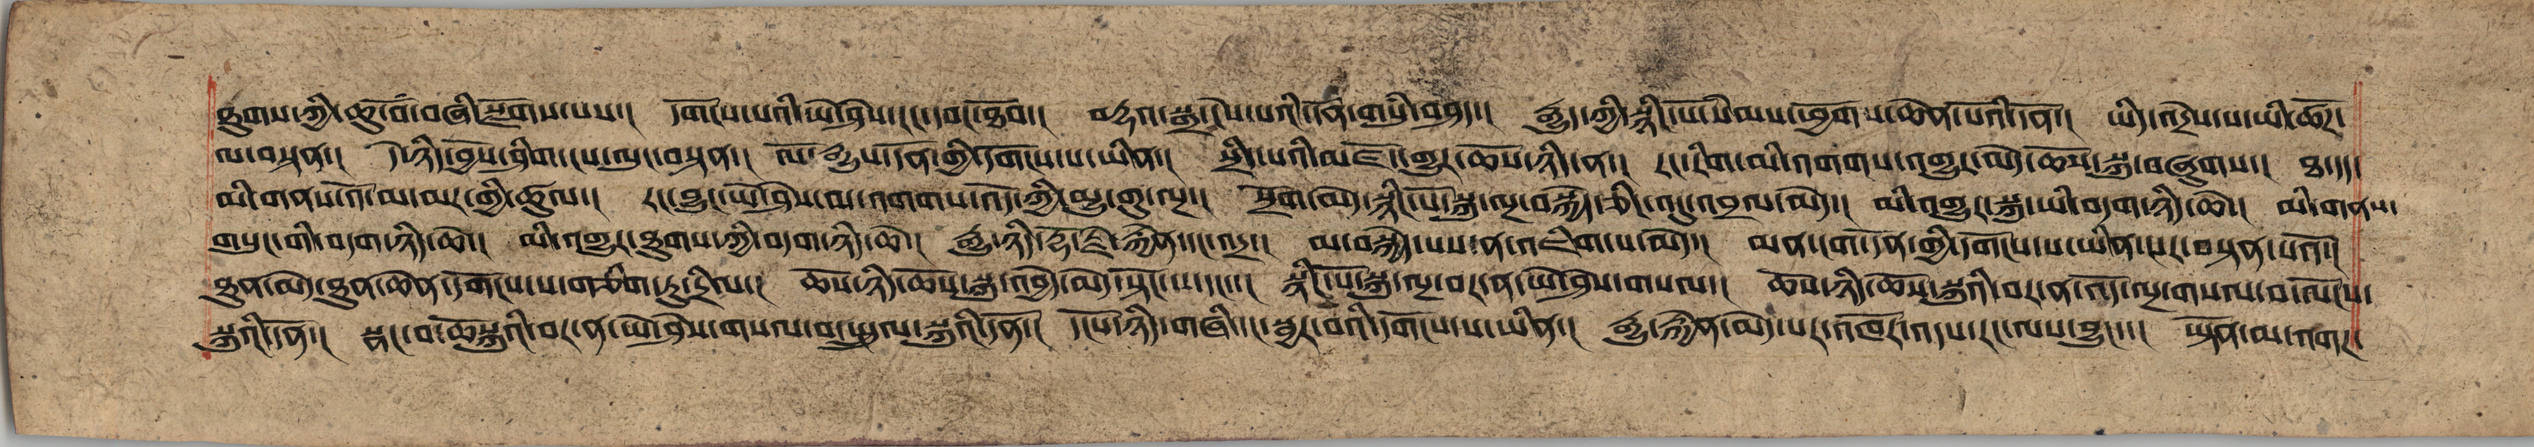ཐུགས་ཀྱི་ཆུ་བོ་བཞི་སྫོགས་པས་། དགོངས་པའི་ཡེ་ཤེས་རང་དབང་ཐོབ་། བརྡའ་སྒྲ་ངེས་པའི་དོན་གསུཾ་བཤད་། རྒྱུད་གྱི་སྙིང་པོ་སེམས་ཕྱོགས་ཆེན་པོའི་དོན་། ཡིད་འདྲེས་པ་ཡི་ཚོཌ་
ལ་བསྟན་། དེ་ཉིད་བྱོས་ཤིག་ངས་ལུང་བསྟན་། ལོ་རྒྱུས་དོན་གྱི་དགོངས་པ་ཡིན་། སྲིད་པའི་མཛོད་གྱུར་ཆོས་ཉིད་ན་། རང་རིག་མི་འགགས་འགྱུར་མེད་ཆོས་སྐུ་བཞུགས་། ཐ་དད་
མི་གནས་འོ་མ་མར་གྱི་ཚུལ་། རང་བྱུང་ཡེ་ཤེས་མ་འགགས་འོད་ཀྱི་མྱུ་གུ་ལྔ་། སྲོག་མེད་སྙིང་པོ་སྐུ་ལྔ་བསྐྱེད་ཅིང་འདུ་འབྲལ་མེད་། མི་འགྱུར་སྐུ་ཡི་བདག་ཉིད་ཆེ་། མི་གནས་
གསུང་གི་བདག་ཉིད་ཆེ་། མི་འགྱུར་ཐུགས་ཀྱི་བདག་ཉིད་ཆེ་། རྒྱུ་ཉིད་རྡོ་རྗེ་རྐྱེན་དང་འདྲ་། མ་བསྐྱེད་པས་ན་འཇིག་པ་མེད་། མན་ངག་དོན་གྱི་དགོངས་པ་ཡིན་པར་བསྟན་པའོ་།
ཐུན་མེད་ཐུན་ཆེན་དགོངས་པ་གཅིག་ཏུ་དྲིལ་། ཆོས་ཉིད་ཆོས་སྐུ་འབྱེད་མེད་སྟོང་པ་དང་་། སྙིང་པོ་སྐུ་ལྔ་བར་ན་ཡེ་ཤེས་གསལ་། ཆོས་ཉིད་ཆོས་སྐུའི་བར་ན་འོད་ལྔ་གསལ་བ་ལོངས་
སྐུའི་དོན་། སྣང་བ་ཆོསྐུའི་བར་ན་ཡེ་ཤེས་གསལ་བ་སྤྲུལ་སྐུའི་དོན་། དངོས་ཉིད་གཞི་དང་སྦྱར་བའི་དགོངས་པ་ཡིན་། རྒྱུ་རྐྱེན་མེད་པར་འཁོར་འདས་རང་ལས་བྱུང་་། ཡྟོན་མ་འགཌ་